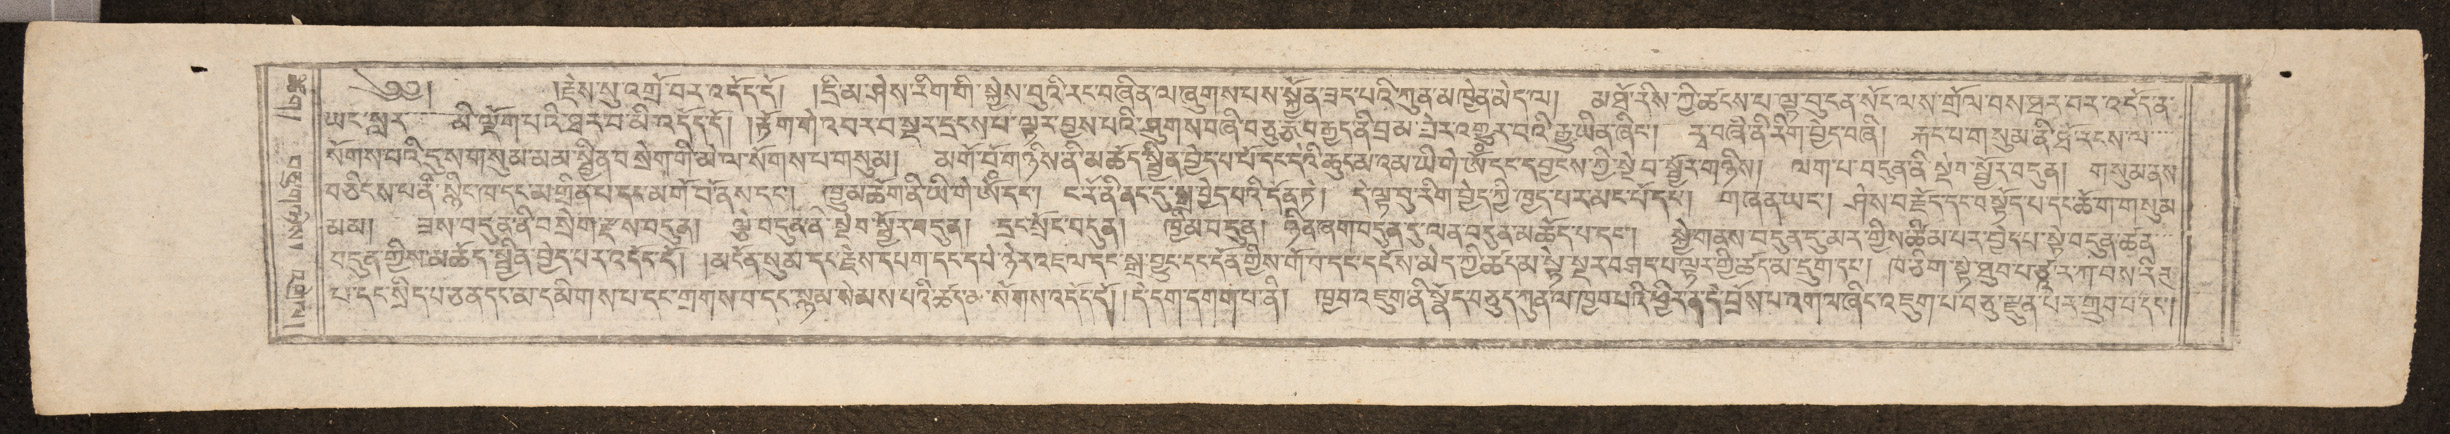༄༅། །རྗེས་སུ་འགྲོ་བར་འདོད་དོ། །དྲི་མ་ཤེས་རིག་གི་སྐྱེས་བུའི་རང་བཞིན་ལ་ཞུགས་པས་སྐྱོན་ཟད་པའི་ཀུན་མཁྱེན་མེད་ལ། མཐོ་རིས་ཀྱི་ཚངས་པ་ལྟ་བུ་ངན་སོང་ལས་གྲོལ་བས་ཐར་བར་འདོད་ན་
ཡང་སླར་མི་ལྡོག་པའི་ཐར་བ་མི་འདོད་དོ། །རྟོག་གེ་འབར་བ་སྔར་དྲངས་པ་ལྟར་བྱས་པའི་ཤུགས་བཞི་བཅུ་རྩ་བརྒྱད་ནི་བྲམ་ཟེར་འགྱུར་བའི་རྒྱུ་ཡིན་ཞིང་། རྭ་བཞི་ནི་རིག་བྱེད་བཞི། རྐང་པ་གསུམ་ནི་ཐོ་རངས་ལ་
སོགས་པའི་དུས་གསུམ་མམ་སྦྱིན་བསྲེག་གི་མེ་ལ་སོགས་པ་གསུམ། མགོ་བོ་གཉིས་ནི་མཆོད་སྦྱིན་བྱེད་པ་པོ་དང་དེའི་ཆུང་མའམ་ཡི་གེ་ཨོཾ་དང་དབྱངས་ཀྱི་སྡེ་བ་སྦྱོར་གཉིས། ལག་པ་བདུན་ནི་སྡེབ་སྦྱོར་བདུན། གསུམ་ནས་
བཅིངས་པ་ནི་སྙིང་ཁ་དང་མགྲིན་པ་དང་མགོ་བོ་ནས་དང་། ཁྱུ་མཆོག་ནི་ཡི་གེ་ཨོཾ་དང་། ང་རོ་ནི་ནང་དུ་སྒྲ་བྱེད་པའི་དོན་ཏེ། དེ་ལྟ་བུ་རིག་བྱེད་ཀྱི་ཁྱད་པར་མང་པོ་དང་། གཞན་ཡང་། ཤེས་བརྗོད་དང་བསྟོད་པ་དང་ཆོ་ག་གསུམ་
མམ། ཟས་བདུན་ནི་བསྲེག་རྫས་བདུན། ལྕེ་བདུན་ནི་སྡེབ་སྦྱོར་བདུན། དྲང་སྲོང་བདུན། ཁྱིམ་བདུན། ཉིན་ཞག་བདུན་དུ་ལན་བདུན་མཆོད་པ་དང་། སྐྱེ་གནས་བདུན་དུ་མར་གྱིས་ཚིམ་པར་བྱེད་པ་སྟེ་བདུན་ཚན་
བདུན་གྱིས་མཆོད་སྦྱིན་བྱེད་པར་འདོད་དོ། །མངོན་སུམ་དང་རྗེས་དཔག་དང་དཔེ་ཉེར་འཇལ་དང་སྒྲ་བྱུང་དང་དོན་གྱིས་གོ་བ་དང་དངོས་མེད་ཀྱི་ཚད་མ་སྟེ་སྔར་བཤད་པ་ལྟར་གྱི་ཚད་མ་དྲུག་དང་། ཁ་ཅིག་སྟེ་ཐུབ་པ་ཙཱ་ར་ཀ་བས་རིཊ་
པ་དང་སྲིད་པ་ཅན་དང་མ་དམིགས་པ་དང་གྲགས་པ་དང་སྙམ་སེམས་པའི་ཚད་མ་སོགས་འདོད་དོ། །དེ་དག་དགག་པ་ནི། ཁྱབ་འཇུག་ནི་སྣོད་བཅུད་ཀུན་ལ་ཁྱབ་པའི་ཕྱིར་ན་དེ་བྲོས་པ་འགལ་ཞིང་འཇུག་པ་བཅུ་རྫུན་པར་གྲུབ་པ་དང་།